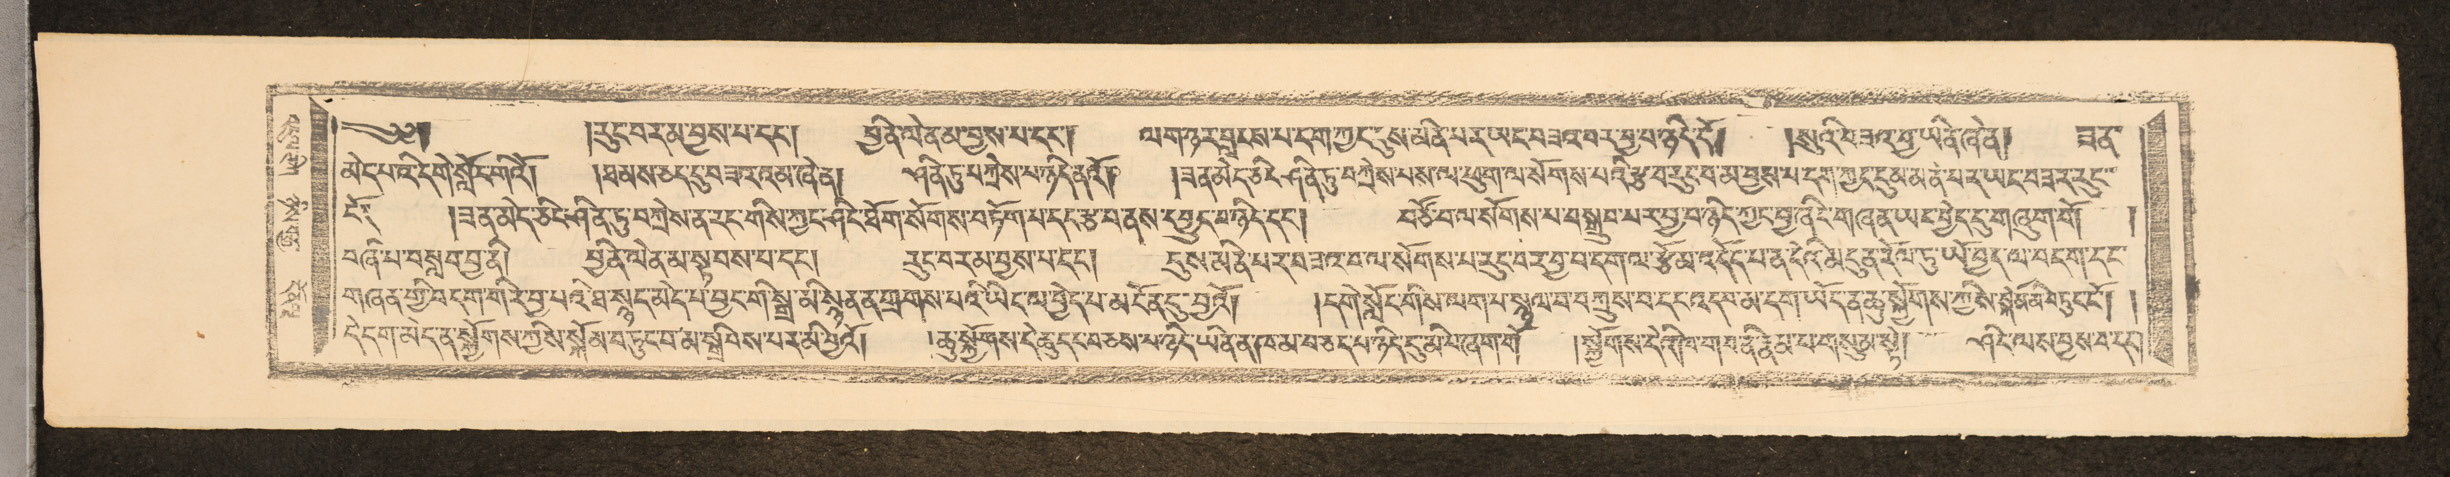༄༅། །རུང་བར་མ་བྱས་པ་དང་། བྱིན་ལེན་མ་བྱས་པ་དང་། ལག་ཉར་བླངས་པ་དག་ཀྱང་དུས་མིན་པར་ཡང་བཟའ་བར་བྱ་བ་ཉིད་དོ། །སུའི་བཟའ་བྱ་ཡིན་ཞེ་ན། ཟན་
མེད་པའི་དགེ་སློང་གིའོ། །ཐམས་ཅད་དུ་བཟའ་འམ་ཞེ་ན། ཤིན་ཏུ་བཀྲེས་པ་ཉིད་ནའོ། །ཟན་མེད་ཅིང་ཤིན་ཏུ་བཀྲེས་པས་ལ་ཕུག་ལ་སོགས་པའི་རྩ་བ་རུང་བ་མ་བྱས་པ་དག་ཀྱང་དུས་མིན་པར་ཡང་བཟུར་རུང་
ངོ༑ །ཟན་མེད་ཅིང་ཤིན་ཏུ་བཀྲེས་ན་རང་གིས་ཀྱང་ཤིང་ཐོག་སོགས་བཏོག་པ་དང་རྩ་བ་ནས་དབྱུང་བ་ཉིད་དང་། བཙོ་བ་ལ་སོགས་པ་བསྒྲུབ་པར་བྱ་བ་ཉིད་ཀྱང་བྱ་ཞིང་གཞན་ཡང་བྱེད་དུ་གཞུག་གོ །
བཞི་པ་བསླབ་བྱ་ནི། བྱིན་ལེན་མ་སྟབས་པ་དང་། རུང་བར་མ་བྱས་པ་དང་། དུས་མིན་པར་བཟའ་བ་ལ་སོགས་པ་རུང་བར་བྱ་བ་དག་ལ་རྩོམ་འདོད་པ་ན་དེའི་མདུན་རོལ་ཏུ་ཡོ་བྱད་ལ་བདག་དང་
གཞན་གྱི་བདག་གིར་བྱ་བའི་ཐ་སྙད་མེད་པ་བྱང་གི་སྒྲ་མི་སྙན་ན་གྲགས་པའི་ཡིད་ལ་བྱེད་པ་མངོན་དུ་བྱའོ། །དགེ་སློང་གིས་ལག་པ་སྙལ་བ་བཀྲུས་པ་དང་འདབ་མ་དག་ཡོད་ན་ཆུ་སྐྱོགས་ཀྱིས་སྐོམ་མི་བཏུང་ངོ། །
དེ་དག་མེད་ན་སྐྱོགས་ཀྱིས་སྐོམ་བཏུང་བ་མ་སྒྲིབས་པར་མི་བྱའོ། །ཆུ་སྐྱོགས་དེ་ཆུ་དང་བཅས་པ་ཉིད་ཡིན་ན་ཁམ་བཅད་པ་ཉིད་དུ་མི་བཞག་གོ །སྐྱོགས་དེའི་ཁག་པ་ནི་རྣམ་པ་གསུམ་སྟེ། ཤིད་ལས་བྱས་བ་དང་།